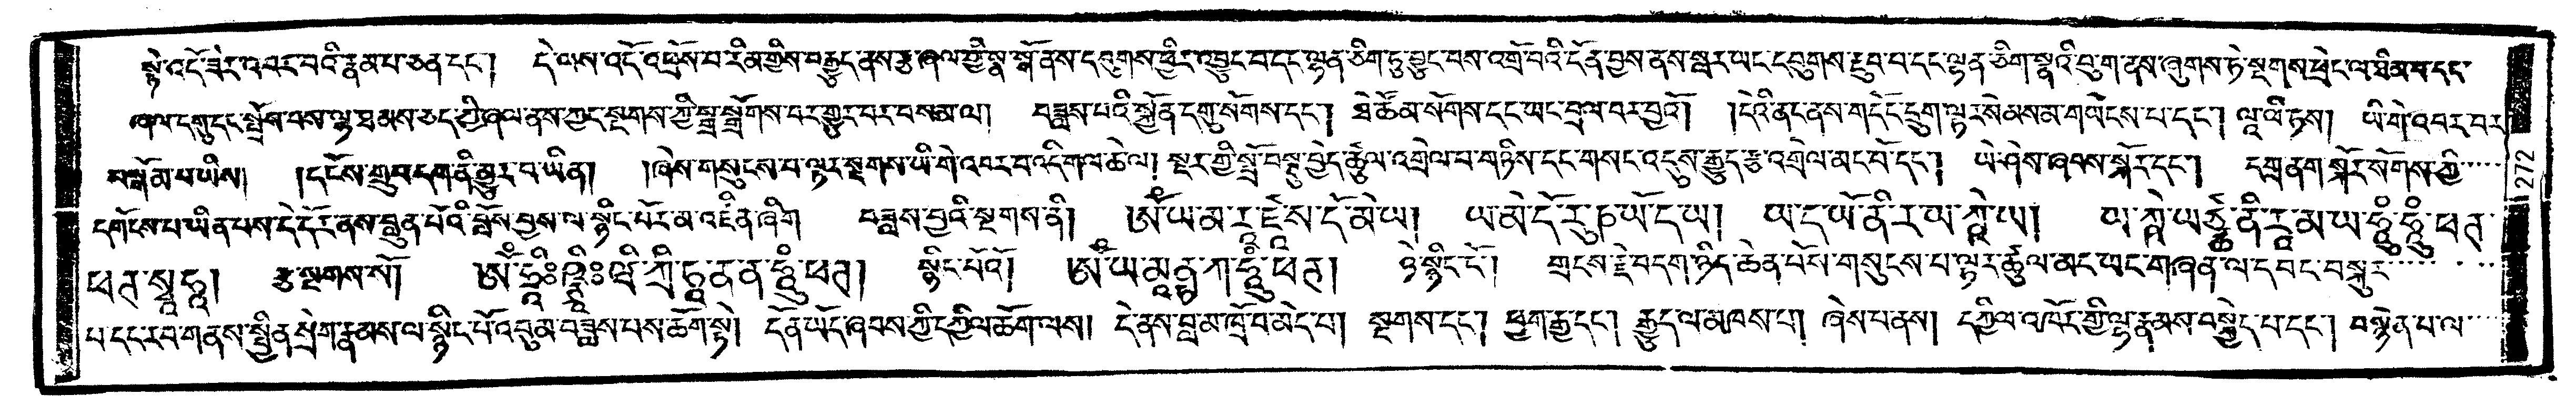སྟེ་འོད་ཟེར་འབར་བའི་རྣམ་པ་ཅན་དང་། དེ་ལས་འོད་འཕྲོས་པ་རིམ་གྱིས་བརྒྱུད་ནས་རྩ་ཞལ་གྱི་སྣ་སྒོ་ནས་དབུགས་ཕྱིར་འབྱུང་བ་དང་ལྷན་ཅིག་ཏུ་བྱུང་བས་འགྲོ་བའི་དོན་བྱས་ནས་སླར་ཡང་དབུགས་རྡུབ་པ་དང་ལྷན་ཅིག་སྣའི་བུ་ག་ནས་ཞུགས་ཏེ་སྔགས་ཕྲེང་ལ་ཐིམ་པ་དང་
ཞལ་དགུ་དང་སྤྲོས་པས་ལྷ་ཐམས་ཅད་ཀྱི་ཞལ་ནས་ཀྱང་སྔགས་ཀྱི་སྒྲ་སྒྲོགས་པར་གྱུར་པར་བསམ་ལ། བཟླས་པའི་སྐྱོན་དགུ་སོགས་དང་། ཐེ་ཚོམ་སོགས་དང་ཡང་བྲལ་བར་བྱའོ། །དེའི་ནང་ནས་གདོང་དྲུག་ལྟར་སེམས་མ་གཡེངས་པ་དང་། ལཱ་ལི་ཏས། ཡི་གེ་འབར་བར་
བསྒོམ་པ་ཡིས། །དངོས་གྲུབ་དག་ནི་མྱུར་བ་ཡིན། །ཞེས་གསུངས་པ་ལྟར་སྔགས་ཡི་གེ་འབར་བ་འདི་གལ་ཆེ་ལ། སྔར་གྱི་སྤྲོ་བསྡུ་བྱེད་ཚུལ་འགྲེལ་པ་གཉིས་དང་གསང་འདུས་རྒྱུད་རྩ་འགྲེལ་མང་པོ་དང་། ཡེ་ཤེས་ཞབས་སྐོར་དང་། དགྲ་ནག་སྐོར་སོགས་ཀྱི་
དགོངས་པ་ཡིན་པས་དེ་དོར་ནས་བླུན་པོའི་བློས་བྱས་ལ་སྙིང་པོར་མ་འཛིན་ཞིག་བཟླས་བྱའི་སྔགས་ནི། ཨོཾ་ཡ་མ་རཱ་ཛཱ་ས་དོ་མེ་ཡ། ཡ་མེ་དོ་རུ་ཎ་ཡོ་ད་ཡ། ཡ་ད་ཡོ་ནི་ར་ཡ་ཀྵེ་ཡ། ཡ་ཀྵེ་ཡཙྪ་ནི་རཱ་མ་ཡ་ཧཱུཾ་ཧཱུཾ་ཕཊ་
ཕཊ་སྭཱཧཱ། རྩ་སྔགས་སོ། ཨོཾ་ཧྲཱིཿཥྚྲཱིཿཝི་ཀྲི་ཏཱ་ན་ན་ཧཱུཾ་ཕཊ། སྙིང་པོའོ། ཨོཾ་ཡ་མཱནྟ་ཀ་ཧཱུཾ་ཕཊ། ཉེ་སྙིང་པོ། གྲངས་རྗེ་བདག་ཉིད་ཆེན་པོས་གསུངས་པ་ལྟར་ཚུལ་མང་ཡང་གཞན་ལ་དབང་བསྐུར་
པ་དང་རབ་གནས་སྦྱིན་སྲེག་རྣམས་ལ་སྙིང་པོ་འབུམ་བཟླས་པས་ཆོག་སྟེ། དོན་ཡོད་ཞབས་ཀྱི་དཀྱིལ་ཆོག་ལས། དེ་ནས་བླ་མ་ཁྲོ་བ་མེད་པ། སྔགས་དང་། ཕྱག་རྒྱ་དང་། རྒྱུད་ལ་མཁས་པ། ཞེས་པ་ནས། དཀྱིལ་འཁོར་གྱི་ལྷ་རྣམས་བསྐྱེད་པ་དང་། བསྙེན་པ་ལ་